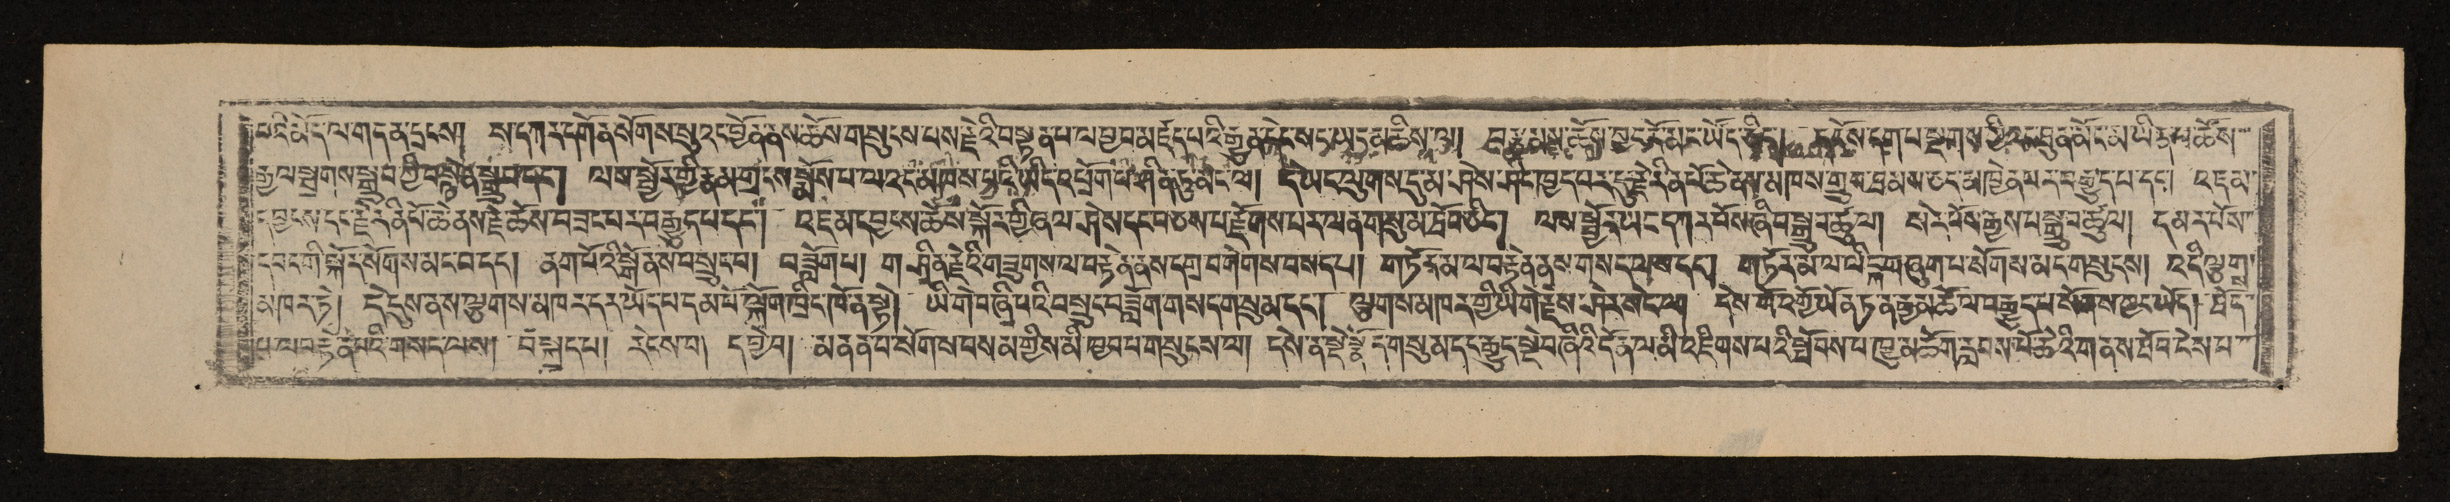པའི་མོད་ལ་གདན་དྲངས། ས་དཀར་དགོན་སོགས་སུའང་བྱོན་ནས་ཆོས་གསུངས་པས་རྗེའི་བསྟན་པ་ལ་བྱ་བ་མཛད་པའི་རྒྱུན་དེང་སང་ཡང་མཆིས་ལ། བརྩམས་ཆོས་ཀྱང་རེ་མང་ཡོད་ཅིང་། དངོས་དག་པ་སྔགས་ཀྱིའང་ཐུན་མོང་མ་ཡིན་པ་ཆོས་
རྒྱལ་སྦྲགས་སྒྲུབ་ཀྱི་བསྙེན་སྒྲུབ་དང་། ལས་སྦྱོར་གྱི་རྣམ་གྲངས་སྨོས་པ་ལའང་མཁས་པའི་ཡིད་འཕྲོག་པ་ཤིན་ཏུ་མང་ལ། དེ་ཡང་ལུགས་དུ་མ་ཤེས་ཤིང་ཁྱད་པར་དུ་རྗེ་རིན་པོ་ཆེ་ནས་མཁས་གྲུབ་ཐམས་ཅད་མཁྱེན་པར་བརྒྱུད་པ་དང་། འཇམ་
དབྱངས་དང་རྗེ་རིན་པོ་ཆེ་ནས་རྗེ་ཆོས་བཟང་བར་བརྒྱུད་པ་དང་། འཇམ་དབྱངས་ཆོས་སྐོར་གྱི་ཞལ་ཤེས་དང་བཅས་པ་རྫོགས་པར་ལན་གསུམ་ཐོབ་ཅིང་། ལས་སྦྱོར་ཡང་དཀར་པོས་ཞི་བསྒྲུབ་ཚུལ། སེར་པོས་རྒྱས་པ་སྒྲུབ་ཚུལ། དམར་པོས་
དབང་གི་སྐོར་སོགས་མང་བ་དང་། ནག་པོའི་སྒོ་ནས་བསྲུང་བ། བཟློག་པ། གཤིན་རྗེའི་གཟུགས་ལ་བརྟེན་ནས་དགྲ་བགེགས་བསད་པ། གཏོར་མ་ལ་བརྟེན་ནས་གསད་ལས་དང་། གཏོར་མ་ལ་ལིངྐ་གཞུག་པ་སོགས་མང་གསུངས། འདི་ལྕགས་
མཁར་ཏེ། དེ་དུས་ནས་ལྕགས་མཁར་དར་ཡོད་པ་དམ་པོ་ལྐོག་ཁྲིད་ཁོ་ན་སྟེ། ཡི་གེ་བཞི་པའི་བསྲུང་བཟློག་གསང་གསུམ་དང་། ལྕགས་མཁར་གྱི་ཡི་གེ་རྗེས་ཤེར་སེང་ལ། དེས་གོ་འགྱོ་ཡོན་ཏན་རྒྱ་མཚོ་ལ་བརྒྱུད་པ་སོགས་ཀྱང་ཡོད། ཐོད་
པ་ལ་བརྟེན་པའི་གསད་ལས། བསྐྲད་པ། རེངས་པ། དབྱེ་བ། མནན་པ་སོགས་བསམ་གྱིས་མི་ཁྱབ་པ་གསུངས་ལ། དེས་ན་སྡེ་སྣོད་གསུམ་དང་རྒྱུད་སྡེ་བཞིའི་དོན་ལ་མི་འཇིགས་པའི་སྤོབས་པ་ཁྱུ་མཆོག་རླབས་པོ་ཆེའི་གནས་ཐོབ་དེས་པ་